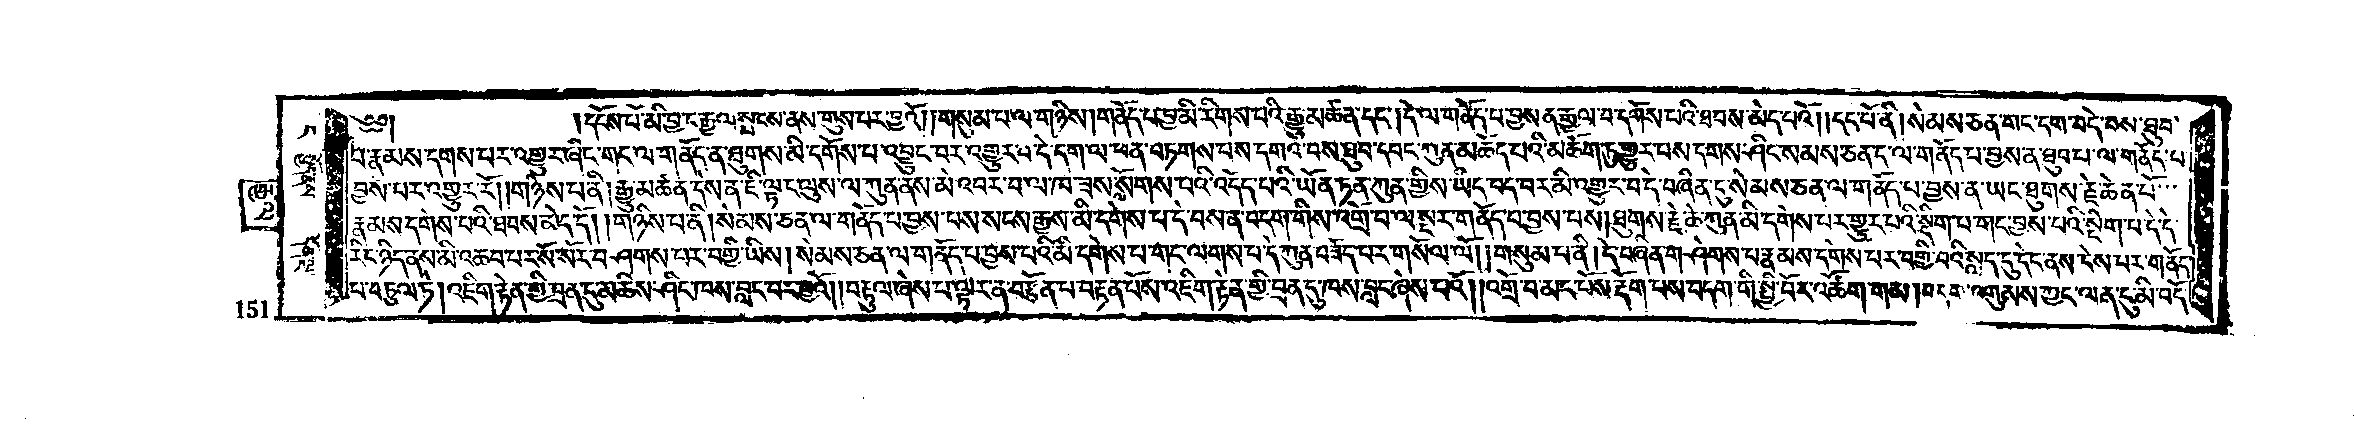༄༅། །དངོས་པོ་མི་བྱ་བ་རྒྱལ་སྤངས་ནས་གུས་པར་བྱའོ། །གསུམ་པ་ལ་གཉིས། གནོད་པ་བྱ་མི་རིགས་པའི་རྒྱུ་མཚན་དང་། དེ་ལ་གནོད་པ་བྱས་ན་རྒྱལ་བ་དགོས་པའི་ཐབས་མེད་པའོ། །དང་པོ་ནི། སེམས་ཅན་གང་དག་བདེ་བས་ཐུབ་
པ་རྣམས་དགས་པར་འགྱུར་ཞིང་གང་ལ་གནོད་ན་ཐུགས་མི་དགོས་པ་འབྱུང་བར་འགྱུར་བ་དེ་དག་ལ་ཕན་བཏགས་པས་དགའ་བས་ཐུབ་དབང་ཀུན་མཆོད་པའི་མཆོག་ཏུ་གྱུར་པས་དགས་ཤིང་སེམས་ཅན་དེ་ལ་གནོད་པ་བྱས་ན་ཐུབ་པ་ལ་གནོད་པ་
བྱས་པར་འགྱུར་རོ། །གཉིས་པ་ནི། རྒྱུ་མཚན་དེས་ན་ཇི་ལྟར་ལུས་ལ་ཀུན་ནས་མེ་འབར་བ་ལ་ཁ་ཟས་ལ་སོགས་པའི་འདོད་པའི་ཡོན་ཏན་ཀུན་གྱིས་ཡིད་བདེ་བར་མི་འགྱུར་བ་དེ་བཞིན་དུ་སེམས་ཅན་ལ་གནོད་པ་བྱས་ན་ཡང་ཐུགས་རྗེ་ཆེན་པོ་
རྣམས་དགེས་པའི་ཐབས་མེད་དོ། །གཉིས་པ་ནི། སེམས་ཅན་ལ་གནོད་པ་བྱས་པས་སངས་རྒྱས་མི་དགེས་པ་དེ་བས་ན་བདག་གིས་འགྲོ་བ་ལ་སྔར་གནོད་པ་བྱས་པས། ཐུགས་རྗེ་ཆེ་ཀུན་མི་དགེས་པར་གྱུར་པའི་སྡིག་པ་གང་བྱས་པའི་སྡིག་པ་དེ་དེ་
རང་ཉིད་ནས་མི་འཆབ་པར་སོ་སོར་བཤགས་པར་བགྱི་ཡིས། སེམས་ཅན་ལ་གནོད་པ་བྱས་པའི་མི་དགེས་པ་གང་ལགས་པ་དེ་ཀུན་བཟོད་པར་གསོལ་ལོ། །གསུམ་པ་ནི། དེ་བཞིན་གཤེགས་པ་རྣམས་དགེས་པར་བགྱི་བའི་སླད་དུ་དེང་ནས་ངེས་པར་གནོད་
པ་བཏུལ་ཏེ། འཇིག་རྟེན་གྱི་བྲན་དུ་མཆིས་ཤིང་ཁས་བླང་བར་བྱའོ། །བརྟུལ་ཞེས་པ་ལྟར་ན་བརྩོན་པ་བརྟན་པོས་འཇིག་རྟེན་གྱི་བྲན་དུ་ཁས་བླང་ཞེས་པའོ། །འགྲོ་བ་མང་པོས་རྡོག་པས་བདག་གི་སྤྱི་བོར་འཚོག་གམ། བདག་འགུམས་ཀྱང་ལན་དུ་མི་བདོ་